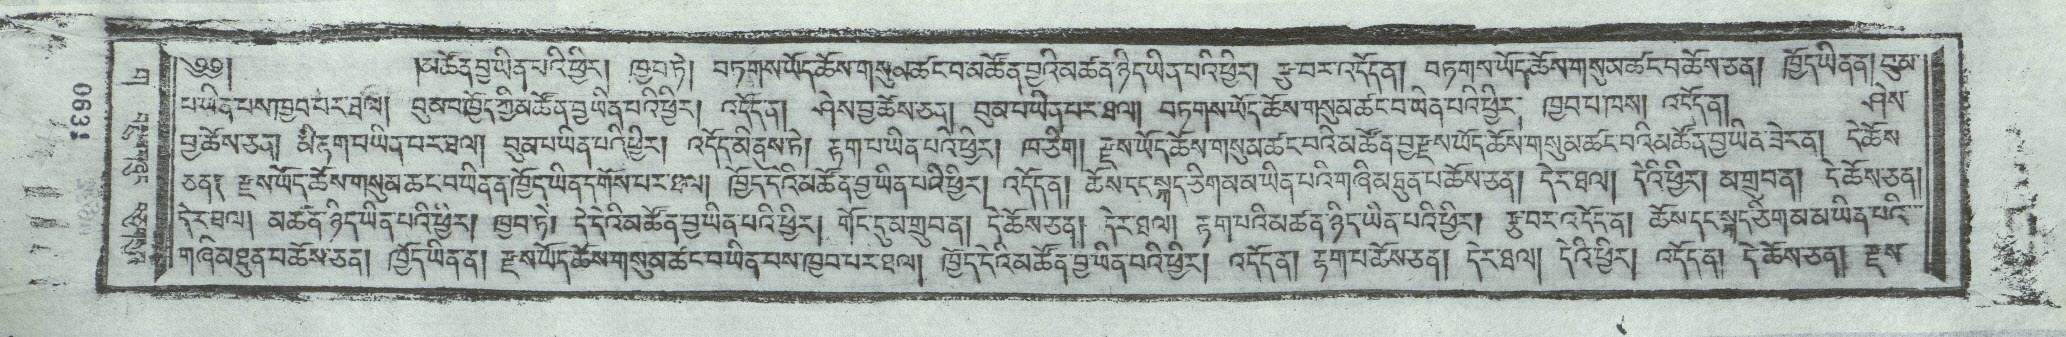༄༅། །མཚོན་བྱ་ཡིན་པའི་ཕྱིར། ཁྱབ་ཏེ། བཏགས་ཡོད་ཆོས་གསུམ་ཚང་བ་མཚོན་བྱའི་མཚན་ཉིད་ཡིན་པའི་ཕྱིར། རྩ་བར་འདོད་ན། བཏགས་ཡོད་ཆོས་གསུམ་ཚང་བ་ཆོས་ཅན། ཁྱོད་ཡིན་ན། བུམ་
པ་ཡིན་པས་ཁྱབ་པར་ཐལ། བུམ་པ་ཁྱོད་ཀྱི་མཚོན་བྱ་ཡིན་པའི་ཕྱིར། འདོད་ན། ཤེས་བྱ་ཆོས་ཅན། བུམ་པ་ཡིན་པར་ཐལ། བཏགས་ཡོད་ཆོས་གསུམ་ཚང་བ་ཡིན་པའི་ཕྱིར། ཁྱབ་པ་ལས། འདོད་ན། ཤེས་
བྱ་ཆོས་ཅན། མི་རྟག་པ་ཡིན་པར་ཐལ། བུམ་པ་ཡིན་པའི་ཕྱིར། འདོད་མི་ནུས་ཏེ། རྟག་པ་ཡིན་པའི་ཕྱིར། ཁ་ཅིག། རྫས་ཡོད་ཆོས་གསུམ་ཚང་བའི་མཚོན་བྱ་རྫས་ཡོད་ཆོས་གསུམ་ཚང་བའི་མཚོན་བྱ་ཡིན་ཟེར་ན། དེ་ཆོས་
ཅན༑ རྫས་ཡོད་ཆོས་གསུམ་ཚང་པ་ཡིན་ན་ཁྱོད་ཡིན་དགོས་པར་ཐལ། ཁྱོད་དེའི་མཚོན་བྱ་ཡིན་པའི་ཕྱིར། འདོད་ན། ཆོས་དང་སྐད་ཅིག་མ་མ་ཡིན་པའི་གཞི་མཐུན་པ་ཆོས་ཅན། དེར་ཐལ། དེའི་ཕྱིར། མ་གྲུབ་ན། དེ་ཆོས་ཅན།
དེར་ཐལ། མཚན་ཉིད་ཡིན་པའི་ཕྱིར། ཁྱབ་ཏེ། དེ་དེའི་མཚོན་བྱ་ཡིན་པའི་ཕྱིར། གོང་དུ་མ་གྲུབ་ན། དེ་ཆོས་ཅན། དེར་ཐལ། རྟག་པའི་མཚན་ཉིད་ཡིན་པའི་ཕྱིར། རྩ་བར་འདོད་ན། ཆོས་དང་སྐད་ཅིག་མ་མ་ཡིན་པའི་
གཞི་མཐུན་པ་ཆོས་ཅན། ཁྱོད་ཡིན་ན། རྫས་ཡོད་ཆོས་གསུམ་ཚང་བ་ཡིན་པས་ཁྱབ་པར་ཐལ། ཁྱོད་དེའི་མཚོན་བྱ་ཡིན་པའི་ཕྱིར། འདོད་ན། རྟག་པ་ཆོས་ཅན། དེར་ཐལ། དེའི་ཕྱིར། འདོད་ན། དེ་ཆོས་ཅན། རྫས་